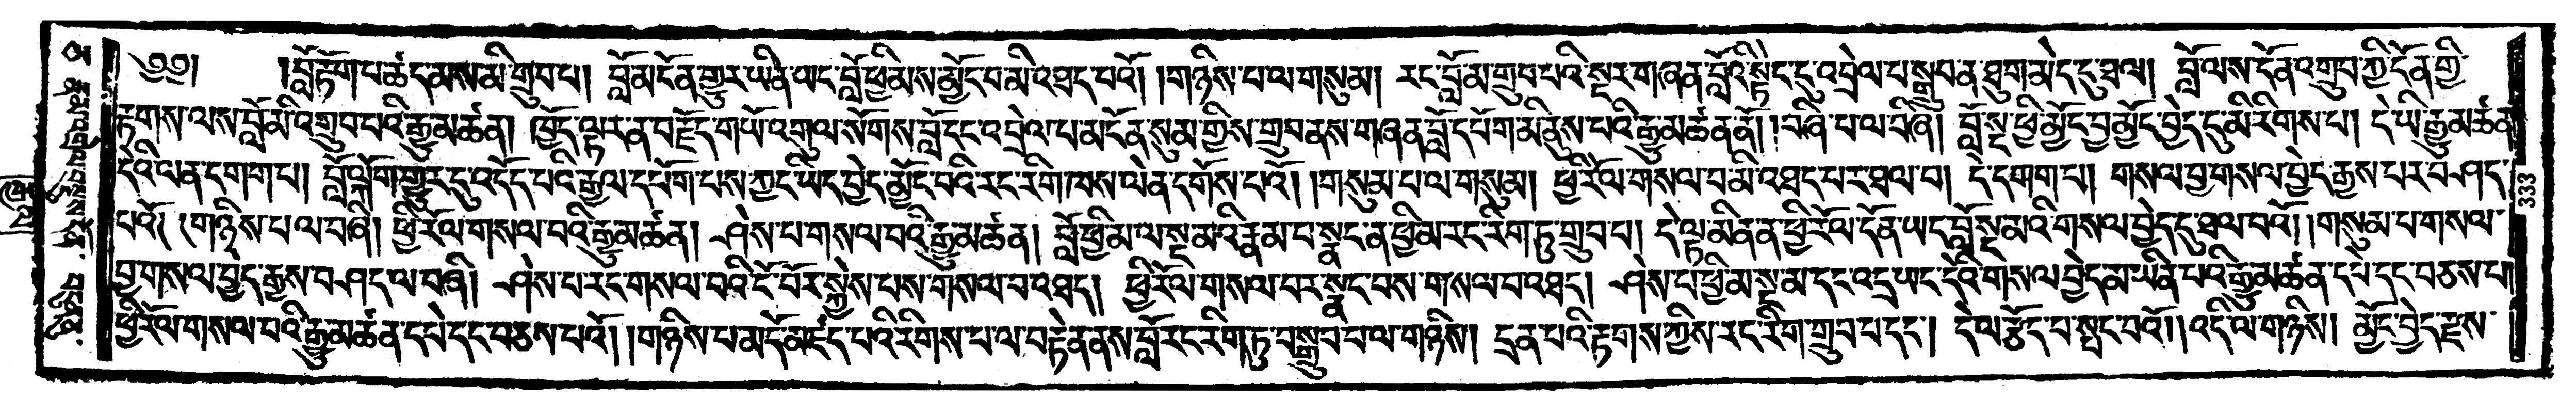༄༅། །བློ་རྟོག་པ་ཚད་མས་མི་གྲུབ་པ། བློ་མངོན་གྱུར་ཡིན་ཡང་བློ་ཕྱི་མས་མྱོང་བ་མི་འཐད་པའོ། །གཉིས་པ་ལ་གསུམ། རང་བློ་མ་གྲུབ་པའི་སྔར་གཞན་བློའི་སྟེང་དུ་འབྲེལ་པ་སྒྲུབ་ན་ཐུག་མེད་དུ་ཐལ། བློ་ལས་དོན་འགྲུབ་ཀྱི་དོན་གྱི་
རྟགས་ལས་བློ་མི་འགྲུབ་པའི་རྒྱུ་མཚན། ཁྱོད་ལྟར་ན་བརྗོད་གཡོ་འགུལ་སོགས་བློ་དང་འབྲེལ་པ་མངོན་སུམ་གྱིས་གྲུབ་ནས་གཞན་བློ་དཔོག་མི་ནུས་པའི་རྒྱུ་མཚན་ནོ། །བཞི་པ་ལ་བཞི། བློ་སྔ་ཕྱི་མྱོང་བྱ་མྱོང་བྱེད་དུ་མི་རིགས་པ། དེ་ཡི་རྒྱུ་མཚན་
དེའི་ལན་དགག་པ། བློ་ལྐོག་གྱུར་དུ་འདོད་པའི་རྒྱལ་དཔོག་པས་ཀྱང་ཡིད་བྱེད་མྱོང་བའི་རང་རིག་ཁས་ལེན་དགོས་པའོ། །གསུམ་པ་ལ་གསུམ། ཕྱི་རོལ་གསལ་བ་མི་འཐད་པར་ཐལ་བ། དེ་དགག་པ། གསལ་བྱ་གསལ་བྱེད་རྒྱས་པར་བཤད་
པའོ། །གཉིས་པ་ལ་བཞི། ཕྱི་རོལ་གསལ་བའི་རྒྱུ་མཚན། ཤེས་པ་གསལ་བའི་རྒྱུ་མཚན། བློ་ཕྱི་མ་ལ་སྔ་མའི་རྣམ་པ་སྣང་ན་ཕྱི་མ་རང་རིག་ཏུ་གྲུབ་པ། དེ་ལྟ་མིན་ན་ཕྱི་རོལ་དོན་ཡང་བློ་སྔ་མའི་གསལ་བྱེད་དུ་ཐལ་བའོ། །གསུམ་པ་གསལ་
བྱ་གསལ་བྱེད་རྒྱས་བཤད་ལ་བཞི། ཤེས་པ་རང་གསལ་བའི་ངོ་བོར་སྐྱེས་པས་གསལ་བ་འཐད། ཕྱི་རོལ་གསལ་བར་སྣང་བས་གསལ་བ་འཐད། ཤེས་པ་ཕྱི་མ་སྔ་མ་དང་འདྲ་ཡང་དེའི་གསལ་བྱེད་མ་ཡིན་པའི་རྒྱུ་མཚན་དཔེ་དང་བཅས་པ་
ཕྱི་རོལ་གསལ་བའི་རྒྱུ་མཚན་དཔེ་དང་བཅས་པའོ། །གཉིས་པ་མདོ་མཛད་པའི་རིགས་པ་ལ་བརྟེན་ནས་བློ་རང་རིག་ཏུ་བསྒྲུབ་པ་ལ་གཉིས། དྲན་པའི་རྟགས་ཀྱིས་རང་རིག་གྲུབ་པ་དང་། དེ་ལ་རྩོད་པ་སྤང་བའོ། །འདི་ལ་གཉིས། མྱོང་བྱེད་རྫས་